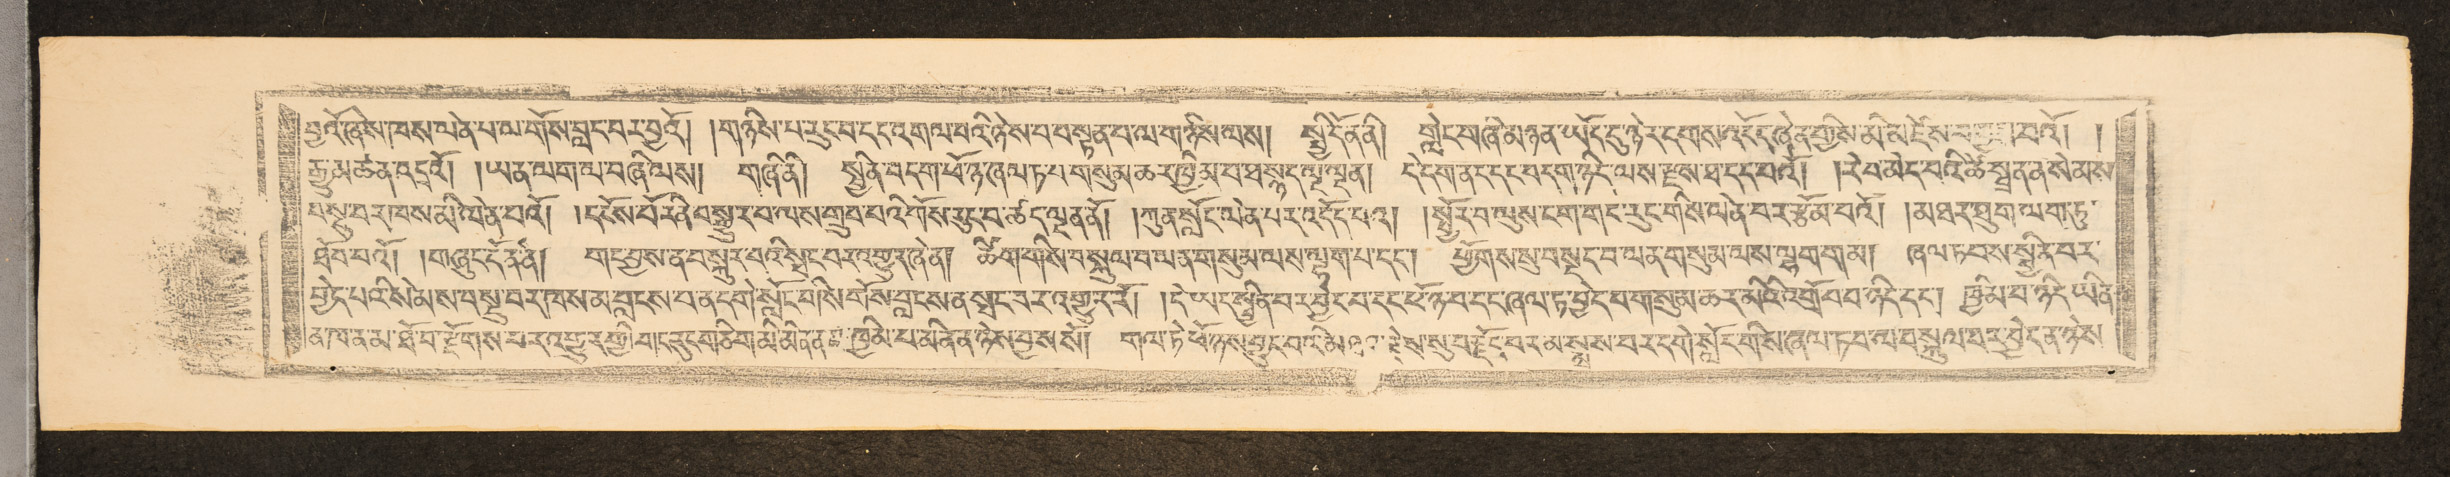བྱའོ་ཞེས་ཁས་ལེན་པ་ལ་གོས་བླང་བར་བྱའོ། །གཉིས་པ་རུང་བ་དང་འགལ་བའི་ཉེས་པ་བསྟན་པ་ལ་གཉིས་ལས། སྤྱི་དོན་ནི། གླེང་གཞི་མཉན་ཡོད་དུ་ཉེར་དགས་འདོད་ཞེན་གྱིས་མི་མཛེས་པ་བྱས་པའོ། །
རྒྱུ་མཚན་འདྲའོ། །ཡན་ལག་པ་བཞི་ལས། གཞི་ནི། སྦྱིན་བདག་ཕོ་ཉ་ཞལ་ཏ་བ་གསུམ་ཆར་ཁྱིམ་བ་ཐ་སྙད་ལྔ་ལྡན། དེ་དག་ནང་དང་བདག་ཉིད་ལས་རྫས་ཐ་དད་པའོ། །རེ་བ་མེད་པའི་ཚེ་སྦྲན་ན་སེམས་
བསྡུ་བར་ཁས་མི་ལེན་པའོ། །དངོས་བོ་རིན་བསྒྱུར་པ་ལས་གྲུབ་བའི་གོས་རུང་བ་ཚད་ལྡན་ནོ། །ཀུན་སློང་ལེན་བར་འདོད་བའོ། །སྦྱོར་བ་ལུས་ངག་གང་རུང་གིས་ལེན་པར་རྩོམ་བའོ། །མཐར་ཐུག་ལག་ཏུ་
ཐོབ་པའོ། །གཞུང་དོན་ནི། གང་བྱས་ན་བསྐུར་བའི་སྤང་བར་འགྱུར་ཞེ་ན། ཚིག་གིས་བསྐུལ་བ་ལན་གསུམ་ལས་ལྷག་པ་དང་། ཕྱོགས་སུ་བསྡད་བ་ལན་གསུམ་ལས་ལྷག་གམ། ཞལ་ཏ་བས་སྦྱིན་པར་
བྱེད་པའི་སེམས་བསྡུ་བར་ཁས་མ་བླངས་པ་ན་དགེ་སློང་གིས་གོས་བླངས་ན་སྤང་བར་འགྱུར་རོ། །དེ་ཡང་སྦྱིན་བར་བྱེད་པ་དང་ཕོ་ཉ་བ་དང་ཞལ་ཏ་བྱེད་པ་གསུམ་ཆར་མིའི་འགྲོ་བ་བ་ཉིད་དང་། ཁྱིམ་པ་ཉིད་ཡིན་
ན་ཁན་མ་ཐོབ་རྫོགས་པར་འགྱུར་གྱི། གང་རུང་གཅིག་མི་མིན་ནིམ་ཁྱིམ་བ་མིན་ན་ཉེས་བྱས་སོ། །གལ་ཏེ་ཕོ་ཉས་བྱུང་བའི་མཐའ་རྗེས་སུ་བརྗོད་བར་མ་སྨྲས་པར་དགེ་སློང་གིས་ཞལ་ཏ་བ་ལ་བསྐུལ་བར་བྱེད་ན་ཉེས་